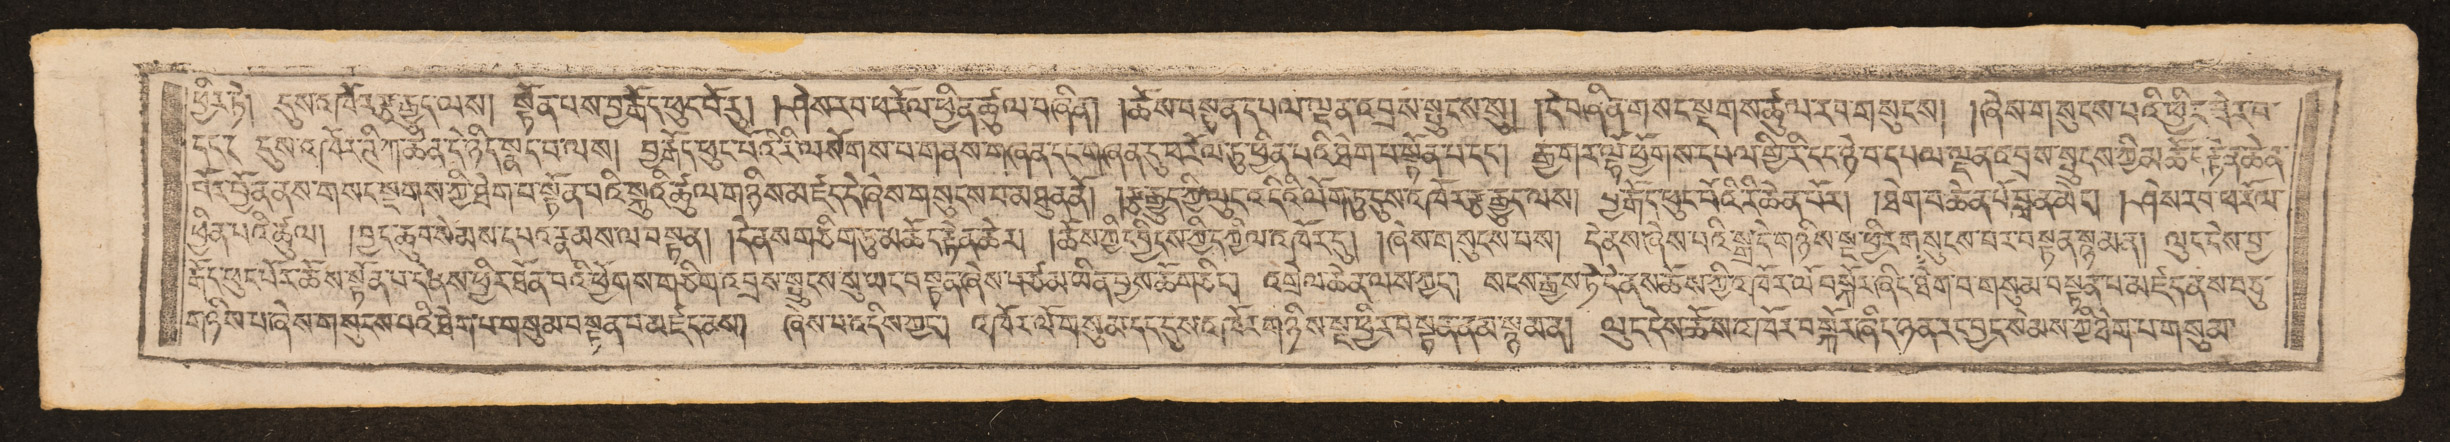ཕྱིར་ཏེ། དུས་འཁོར་རྩ་རྒྱུད་ལས། སྟོན་པས་བྱ་རྒོད་ཕུང་པོ་རུ། །ཤེས་རབ་ཕ་རོལ་ཕྱིན་ཚུལ་བཞིན། །ཆོས་བསྟན་དཔལ་ལྡན་འབྲས་སྤུངས་སུ། །དེ་བཞིན་གསང་སྔགས་ཚུལ་རབ་གསུངས། །ཞེས་གསུངས་པའི་ཕྱིར་ཟེར་བ་
དང༑ དུས་འཁོར་ཊིཀ་ཆེན་དེ་ཉིད་སྣང་བ་ལས། བྱ་རྒོད་ཕུང་པོའི་རི་ལ་སོགས་པ་གནས་གཞན་དང་གཞན་དུ་ཕ་རོལ་ཏུ་ཕྱིན་པའི་ཐེག་པ་སྟོན་པ་དང་། རྒྱ་གར་ལྷོ་ཕྱོགས་དཔལ་གྱི་རི་དང་ཉེ་བ་དཔལ་ལྡན་འབྲས་སྤུངས་ཀྱི་མཆོད་རྟེན་ཆེན་
པོར་བྱོན་ནས་གསང་སྔགས་ཀྱི་ཐེག་པ་སྟོན་པའི་སྐུའི་ཚུལ་གཉིས་མཛད་དེ་ཞེས་གསུངས་པ་མཐུན་ནོ། །རྩ་རྒྱུད་ཀྱི་ལུང་འདིའི་ལོག་ཏུ་དུས་འཁོར་རྩ་རྒྱུད་ལས། བྱ་རྒོད་ཕུང་པོའི་རི་ཆེན་པོར། །ཐེག་པ་ཆེན་པོ་བླ་ན་མེད། །ཤེས་རབ་ཕ་རོལ་
ཕྱིན་པའི་ཚུལ། །བྱང་ཆུབ་སེམས་དཔའ་རྣམས་ལ་བསྟན། །དེ་ནས་གཅིག་ཏུ་མཆོད་རྟེན་ཆེར། །ཆོས་ཀྱི་དབྱིངས་ཀྱི་དཀྱིལ་འཁོར་དུ། །ཞེས་གསུངས་པས། དེ་ནས་ཞེས་པའི་སྒྲ་དེ་གཉིས་སྔ་ཕྱིར་གསུངས་པར་བསྟན་སྙམ་ན། ལུང་དེས་བྱ་
རྒོད་ཕུང་པོར་ཆོས་སྟོན་པ་དེ་ནས་ཕྱིར་ཐོན་པའི་ཕྱོགས་གཅིག་འབྲས་སྤུངས་སུ་ཡང་བསྟན་ཞེས་པ་ཙམ་ཡིན་བྱས་ཆོག་ཅིང་། འགྲེལ་ཆེན་ལས་ཀྱང་། སངས་རྒྱས་ཏེ་དེ་ནས་ཆོས་ཀྱི་འཁོར་ལོ་བསྐོར་ཞིང་ཐེག་པ་གསུམ་བསྟན་པ་མཛད་ནས་བཅུ་
གཉིས་པ་ཞེས་གསུངས་པའི་ཐེག་པ་གསུམ་བསྟན་པ་མཛད་ནས། ཞེས་པ་འདིས་ཀྱང་། འཁོར་ལོ་གསུམ་དང་དུས་འཁོར་གཉིས་སྔ་ཕྱིར་བསྟན་ན་མ་སྙམ་ན། ལུང་དེས་ཆོས་འཁོར་བསྐོར་ཞིང་ཉན་རང་བྱང་སེམས་ཀྱི་ཐེག་པ་གསུམ་